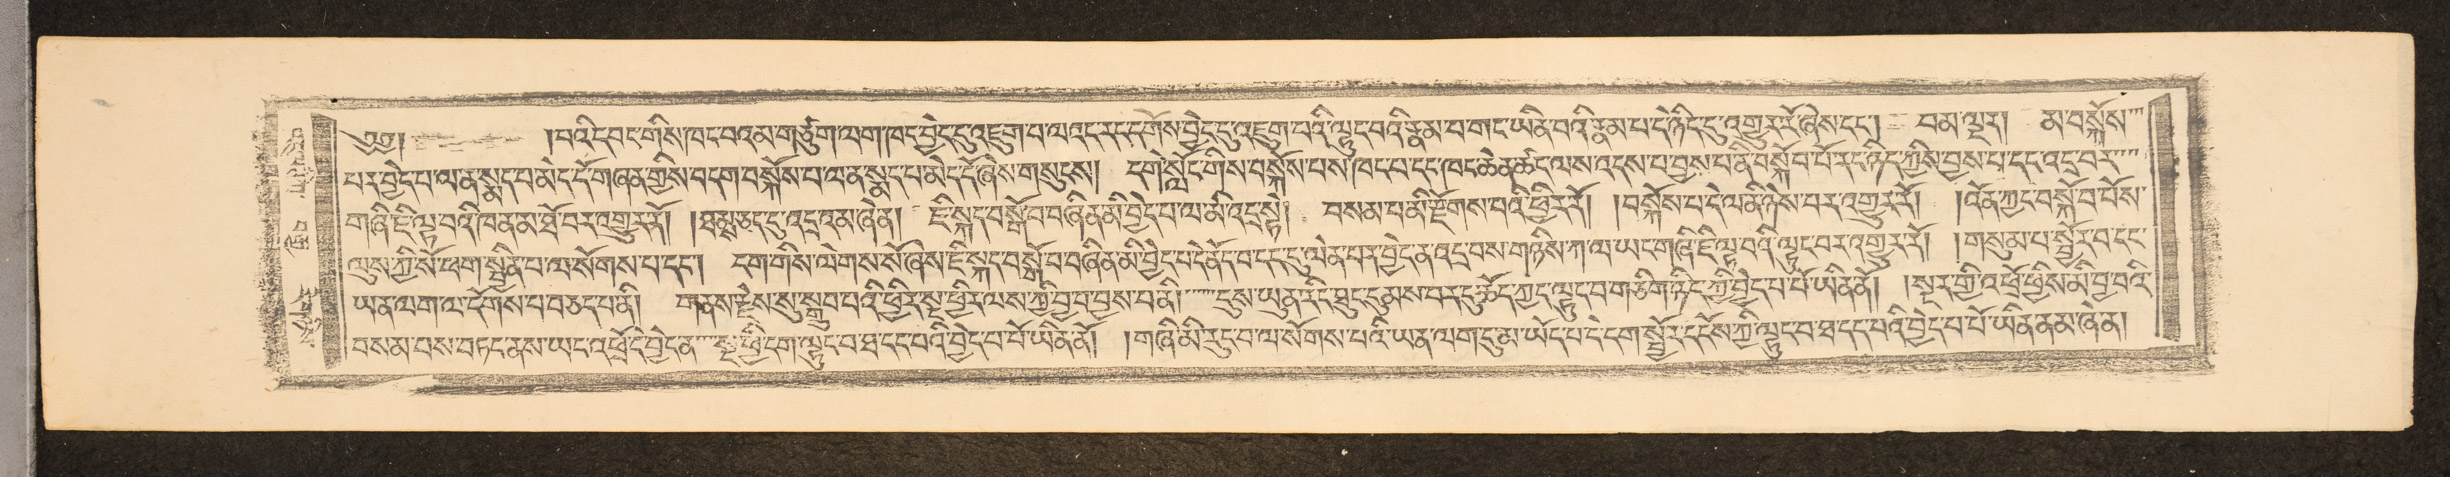༄༅། །པའི་དབང་གིས་ཁང་པའམ་གཙུག་ལག་ཁང་བྱེད་དུ་འཇུག་པ་ལའང་རང་དགས་བྱེད་དུ་འཇུག་པའི་ལྟུང་བའི་རྣམ་པ་གང་ཡིན་པའི་རྣམ་པ་དེ་ཉིད་དུ་འགྱུར་རོ་ཞེས་དང་། བམ་ལྔར། མ་བསྐོས་
པར་བྱེད་པ་ལ་ན་སྨད་པ་མེད་དོ་གཞན་གྱིས་བདག་བསྐོས་པ་ལ་ན་སྨད་པ་མེད་དོ་ཞེས་གསུངས། དགེ་སློང་གིས་བསྐོས་པས་ཁང་པ་དང་ཁང་ཆེན་ཚད་ལས་འདས་པ་བྱས་པ་ནི་བསྐོ་བ་པོ་རང་ཉིད་ཀྱིས་བྱས་པ་དང་འདྲ་བར་
གཞི་ཇི་ལྟ་བའི་ཁ་ན་མ་ཐོ་བར་འགྱུར་རོ། །ཐམས་ཅད་དུ་འདྲ་འམ་ཞེ་ན། ཇི་སྐད་བསྒོབ་བཞིན་མི་བྱེད་པ་ལ་མི་འདྲ་སྟེ། བསམ་པ་མི་རྫོགས་པའི་ཕྱིར་རོ། །བསྐོས་པ་དེ་ལ་ནི་ཉེས་པར་འགྱུར་རོ། །འོན་ཀྱང་བསྐོ་བ་པོས་
ལུས་ཀྱི་སོ་ཕག་སྦྱིན་པ་ལ་སོགས་པ་དང་། ངག་གིས་ལེགས་སོ་ཞེས་ཇི་སྐད་བསྒོ་བ་བཞིན་མི་བྱེད་པ་དེ་ནོད་པ་དང་དུ་ལེན་པར་བྱེད་ན་འདྲ་བས་གཉིས་ཀ་ལ་ཡང་གཞི་ཇི་ལྟ་བའི་ལྟུང་བར་འགྱུར་རོ། །གསུམ་པ་སྦྱོར་བ་དང་
ཡན་ལག་ལ་དོགས་པ་བཅད་པ་ནི། གནས་རྗེས་སུ་སྒྲུབ་པའི་ཕྱིར་སྔ་ཕྱིར་ལས་ཀྱི་བྱབ་བྱས་པ་ནི། དུས་ཡུན་རིང་ཐུང་དུམས་བར་དུ་ཆོད་ཀྱང་ལྟུང་བ་གཅིག་ཉིད་ཀྱི་བྱེད་པ་པོ་ཡིན་ནོ། །སྔར་གྱི་འཕྲོ་ཕྱིས་མི་བྱ་བའི་
བསམ་པས་བཏང་ནས་ཡང་འཕྲོ་དེ་བྱེད་ན་སྔ་ཕྱི་དག་ལྟུང་བ་ཐ་དད་པའི་བྱེད་པ་པོ་ཡིན་ནོ། །གཞི་མི་རུང་བ་ལ་སོགས་པའི་ཡན་ལག་དུ་མ་ཡོད་པ་དེ་དག་སྦྱོར་དངོས་ཀྱི་ལྟུང་བ་ཐ་དད་པའི་བྱེད་པ་པོ་ཡིན་ནམ་ཞེ་ན།